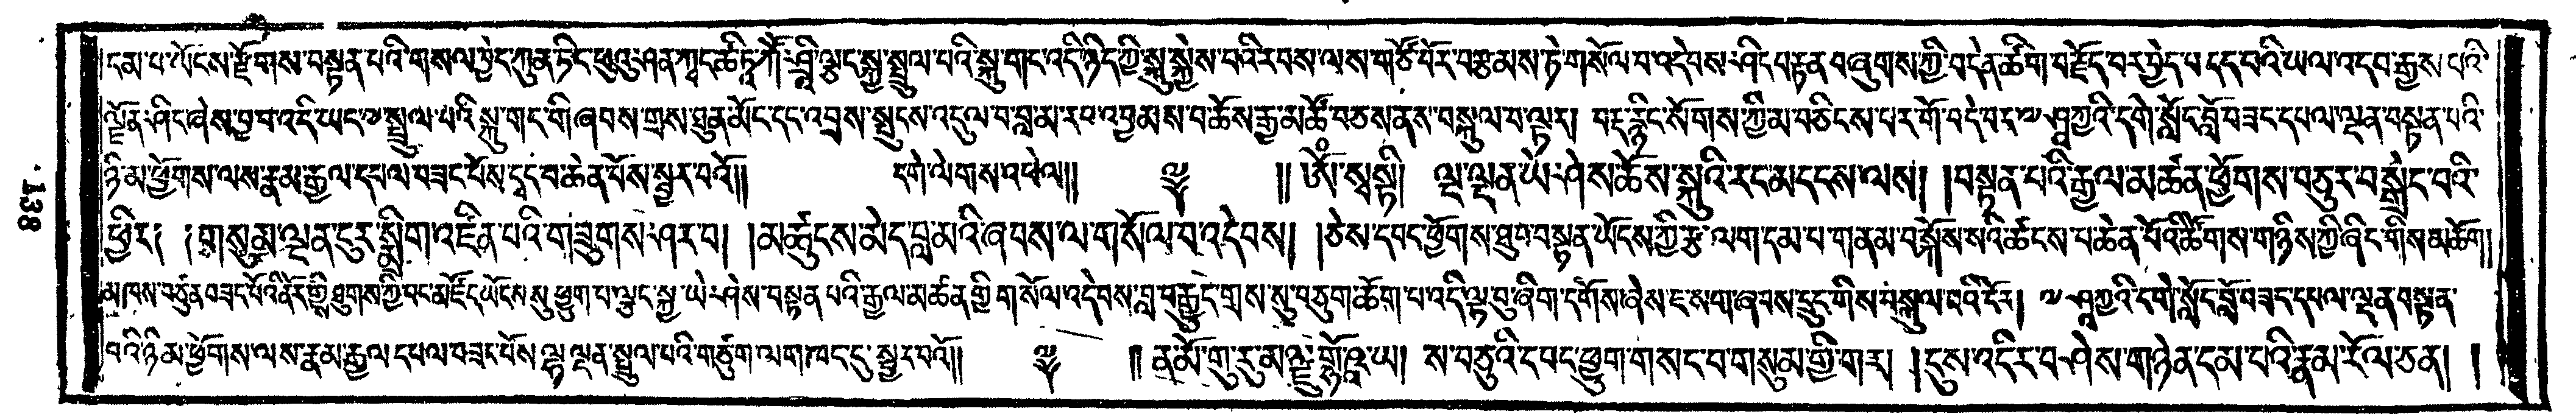དམ་པ་ཡོངས་རྫོགས་བསྟན་པའི་གསལ་བྱེད་ཀུན་ཏིང་ཕུའུ་ཤན་ཀྭང་ཚི་ཏཱ་ཀཽ་ཤྲཱི་ལྕང་སྐྱ་སྤྲུལ་པའི་སྐུ་གང་འདི་ཉིད་ཀྱི་སྐུ་སྐྱེས་པའི་རབས་ལས་གཙོ་བོར་བརྩམས་ཏེ་གསོལ་བ་འདེབས་ཤིང་བརྟན་བཞུགས་ཀྱི་བདེན་ཚིག་བརྗོད་བར་བྱེད་པ་དད་པའི་ཡལ་འདབ་རྒྱས་པའི་
ལྗོན་ཤིང་ཞེས་བྱ་བ་འདི་ཡང་༧་སྤྲུལ་པའི་སྐུ་གང་གི་ཞབས་གྲས་ཐུན་མོང་དང་འབྲས་སྤུངས་འདུལ་བ་བླ་མ་རབ་འབྱམས་བ་ཆོས་རྒྱ་མཚོ་བཅས་ནས་བསྐུལ་བ་ལྟར། བརྡ་རྙིང་སོགས་ཀྱི་མ་བཅིངས་པར་གོ་བདེ་བར་༧་ཤཱཀྱའི་དགེ་སློང་བློ་བཟང་དཔལ་ལྡན་བསྟན་པའི་
ཉི་མ་ཕྱོགས་ལས་རྣམ་རྒྱལ་དཔལ་བཟང་པོས་དྭད་བ་ཆེན་པོས་སྦྱར་བའོ།། དགེ་ལེགས་འཕེལ།། ༈ །།ཨོཾ་སྭསྟི། ལྔ་ལྡན་ཡེ་ཤེས་ཆོས་སྐུའི་རང་མདངས་ལས། །བསྟན་པའི་རྒྱལ་མཚན་ཕྱོགས་བཅུར་བསྒྲེང་བའི་
ཕྱིར༑ ༑གསུམ་ལྡན་དུར་སྨྲིག་འཛིན་པའི་གཟུགས་ཤར་བ། །མཚུངས་མེད་བླ་མའི་ཞབས་ལ་གསོལ་བ་འདེབས། །ཅེས་དབང་ཕྱོགས་ཐུབ་བསྟན་ཡོངས་ཀྱི་རྩ་ལག་དམ་པ་གནམ་བསྐོས་སའི་ཚངས་པ་ཆེན་པོའི་ཚོགས་གཉིས་ཀྱི་ཞིང་གིས་མཆོག།
མཁས་བཙུན་བཟང་པོའི་ནོར་གྱིས་ཐུགས་ཀྱི་བང་མཛོད་ཡོངས་སུ་ཕྱུག་པ་ལྕང་སྐྱ་ཡེ་ཤེས་བསྟན་པའི་རྒྱལ་མཚན་གྱི་གསོལ་འདེབས་བླ་བརྒྱུད་གྲས་སུ་བཅུག་ཆོག་པ་འདི་ལྟ་བུ་ཞིག་དགོས་ཞེས་ཇ་སག་ཞབས་དྲུང་གིས་བསྐུལ་བའི་ངོར། ༧་ཤཱཀྱའི་དགེ་སློང་བློ་བཟང་དཔལ་ལྡན་བསྟན་
བའི་ཉི་མ་ཕྱོགས་ལས་རྣམ་རྒྱལ་དཔལ་བཟང་པོས་ལྷ་ལྡན་སྤྲུལ་པའི་གཙུག་ལག་ཁང་དུ་སྦྱར་བའོ།། ༈ །།ན་མོ་གུ་རུ་མཉྫུ་གྷོ་ཥཱ་ཡ། ས་བཅུའི་དབང་ཕྱུག་གསང་བ་གསུམ་གྱི་གར། །དུས་འདིར་བཤེས་གཉེན་དམ་པའི་རྣམ་རོལ་ཅན། །